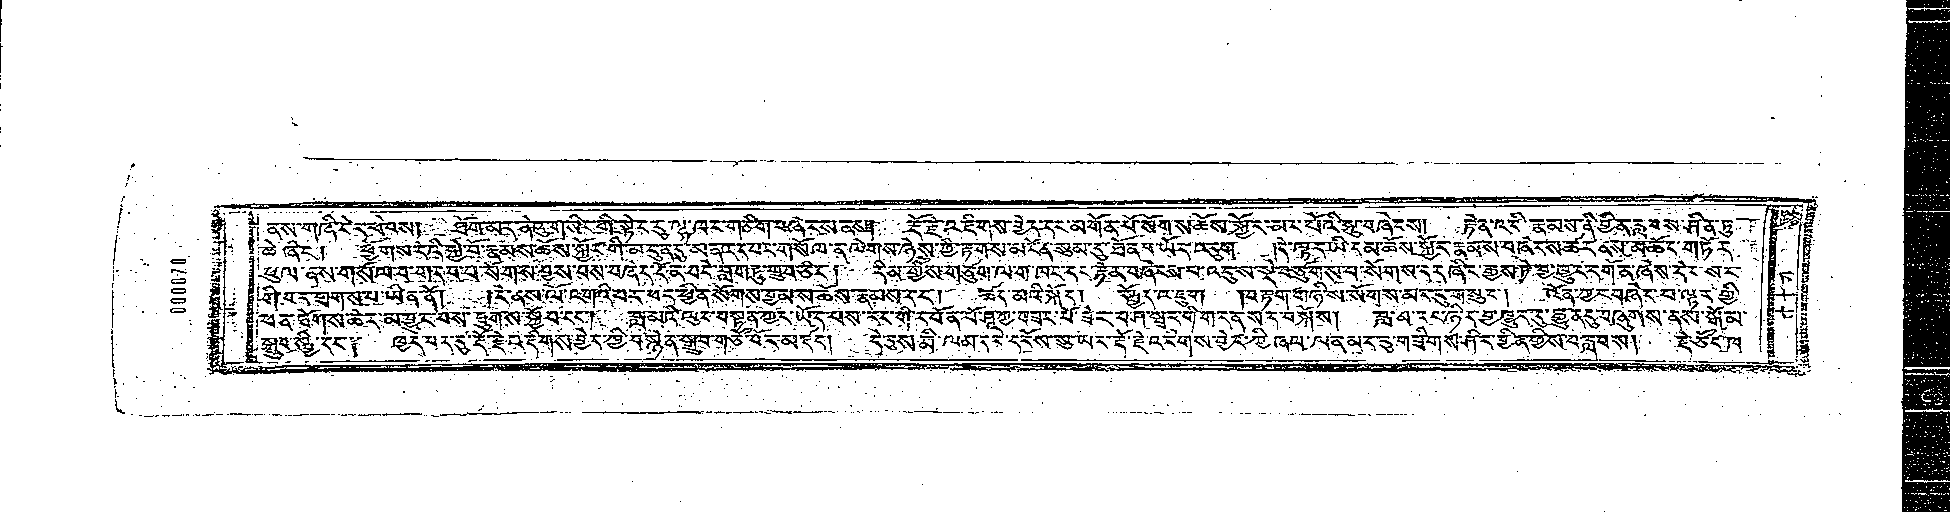ནས་གཞི་དེར་ཕེབས། ཐོག་མར་ནེའུ་གིང་གི་སྟེང་དུ་ལྷ་ཁང་གཅིག་བཞེངས་ནས། རྡོ་རྗེ་འཇིགས་བྱེད་དང་མགོན་པོ་སོགས་ཆོས་སྐྱོང་མང་པོའི་སྐུ་བཞེངས། རྟེན་དཱི་རྣམས་ནི་བྱིར་ལས་བཤིན་ཏུ་
ཆེ་ཞིང་། ཕྱོགས་དེའི་སྐྱེ་པོ་རྣམས་ཆོས་སྐྱོང་གི་མདུན་དུ་མནའ་དཔང་གསོལ་ན་ལེགས་ཉེས་ཀྱི་རྟགས་མངོན་སུམ་དུ་ཐོན་པ་ཡོད་འདུག །དེ་ལྟར་ཡི་དམ་ཆོས་སྐྱོང་རྣམས་བཞེངས་ཚར་ནས་མཆོད་གཏོར་
ཕུལ་ནས་གསོལ་བ་གར་བ་པ་སོགས་བྱས་བས་བཞེད་དོན་བདེ་བླག་ཏུ་གྲུབ་ཅིང་། རིམ་གྱིས་གཙུག་ལག་ཁང་དང་རྟེན་བཞེངས་པ་འདུས་སྡེ་བཙུགས་པ་སོགས་དར་ཞིང་རྒྱས་ཏེ་བྱ་ཁྱུང་དགོན་ཞེས་དེང་སང་
གི་བར་གྲགས་པ་ཡིན་ནོ། །དེ་ནས་ལོ་འགའི་བར་ཕར་ཕྱིན་སོགས་བྱམས་ཆོས་རྣམས་དང་། ཚད་མའི་སྐོར། སྤྱོད་འཇུག །བརྟག་གཉིས་སོགས་མང་དུ་གསུང་། འོན་ཀྱང་བཞེང་པ་ལྟར་གྱི་
ཕན་ཐོགས་ཆེར་མ་བྱུང་བས་ཐུགས་སྐྱོབ་དང་། བླ་མའི་ལུང་བསྟན་ཀྱང་ཡོད་པས་རང་གི་དབོན་པོ་ཤཱཀྱ་བཟང་པོ་ཟེར་བ་ཤ་སྦྲང་གི་གདན་སར་བསྐོས། བླ་མ་རང་ཉིད་བྱ་ཁྱུད་དུ་རྒྱུན་དུ་བཞུགས་ནས་སྒོམ་
སྒྲུབ་སྤྱི་དང༑ ཁྱད་པར་དུ་རྡོ་རྗེ་འཇིགས་བྱེད་ཀྱི་བསྙེན་སྒྲུབ་གཙོ་བོར་མཛད། དེ་དུས་རྨི་ལམ་དང་དངོས་སུ་ཡང་རྡོ་རྗེ་འཇིགས་བྱེད་ཀྱི་ཞལ་ལན་མང་དུ་གཟིགས་ཤིང་བྱིན་གྱིས་བརླབས། རྗེ་ཙོང་ཁ་